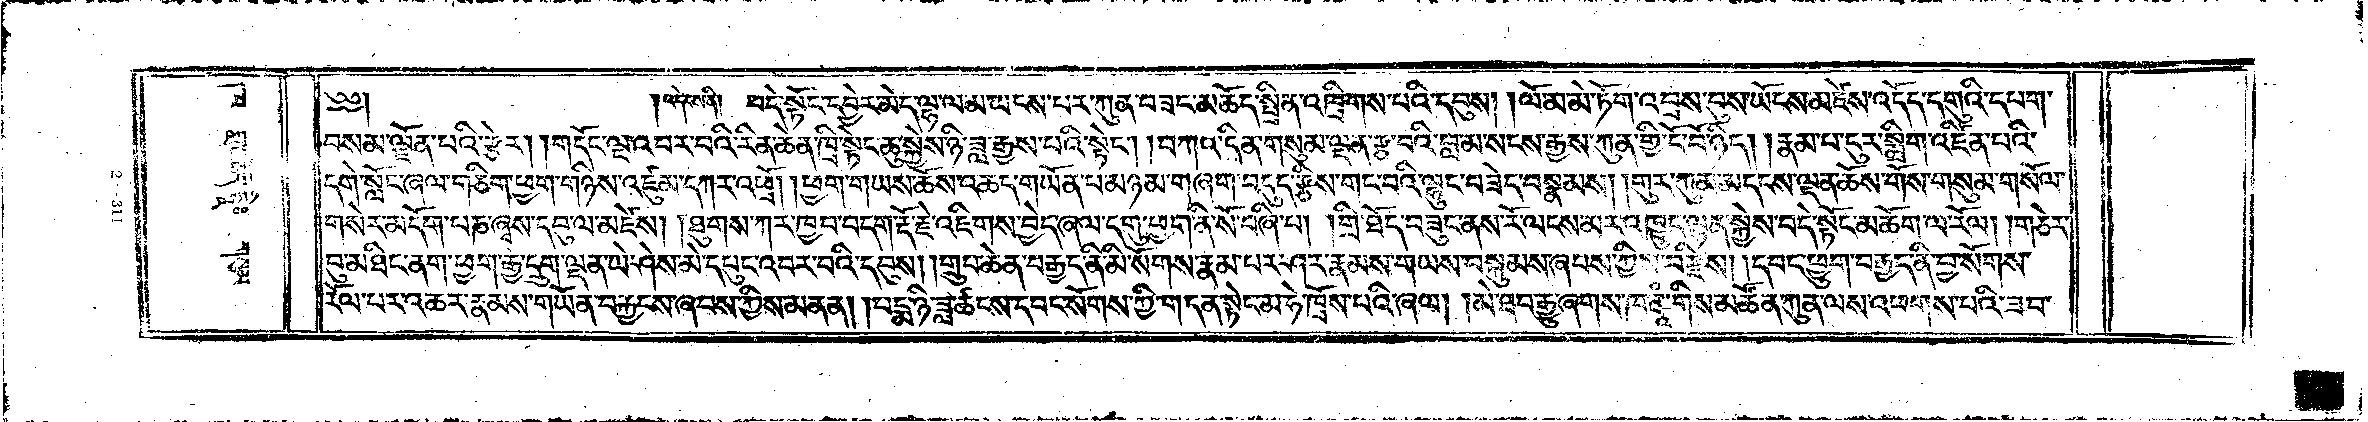༄༅། །འདེངས་ནི།  བདེ་སྟོང་དབྱེར་མེད་ལྷ་ལམ་ཡངས་པར་ཀུན་བཟང་མཆོད་སྤྲིན་འཁྲིགས་པའི་དབུས། །ལོ་མ་མེ་ཏོག་འབྲས་བུས་ཡོངས་མཛེས་འདོད་དགུའི་དཔག་
བསམ་ལྗོན་པའི་རྩེར། །གདོང་ལྔ་འབར་བའི་རིན་ཆེན་ཁྲི་སྟེང་ཆུ་སྐྱེས་ཉི་ཟླ་རྒྱས་པའི་སྟེང་། །བཀའ་དྲིན་གསུམ་ལྡན་རྩ་བའི་བླ་མ་སངས་རྒྱས་ཀུན་གྱི་ངོ་བོ་ཉིད། །རྣམ་པ་དུར་སྨྲིག་འཛིན་པའི་
དགེ་སློང་ཞལ་གཅིག་ཕྱག་གཉིས་འཛུམ་དཀར་འཕྲོ། །ཕྱག་གཡས་ཆོས་འཆད་གཡོན་པ་མཉམ་གཞག་བདུད་རྩིས་གང་བའི་ལྷུང་བཟེད་བསྣམས། །གུར་ཀུན་མདངས་ལྡན་ཆོས་གོས་གསུམ་གསོལ་
གསེར་མདོག་པཎ་ཞྭས་དབུ་ལ་མཛེས། །ཐུགས་ཀར་ཁྱབ་བདག་རྡོ་རྗེ་འཇིགས་བྱེད་ཞལ་དགུ་ཕྱག་ནི་སོ་བཞི་པ། །གྲི་ཐོད་བཟུང་ནས་རོ་ལངས་མར་འཁྱུད་ལྷན་སྐྱེས་བདེ་སྟོང་མཆོག་ལ་རོལ། །གཅེར་
བུ་མཐིང་ནག་ཕྱག་རྒྱ་དྲུག་ལྡན་ཡེ་ཤེས་མེ་དཔུང་འབར་བའི་དབུས། །གྲུབ་ཆེན་བརྒྱད་ནི་མི་སོགས་རྣམ་པར་ཤར་རྣམས་གཡས་བསྐུམས་ཞབས་ཀྱིས་བརྫིགས། །དབང་ཕྱུག་བརྒྱད་ནི་བྱ་སོགས་
རོལ་པར་འཆར་རྣམས་གཡོན་བརྐྱངས་ཞབས་ཀྱིས་མནན། །པདམ་ཉི་ཟླ་ཚངས་དབང་སོགས་ཀྱི་གདན་སྟེང་མ་ཧེ་ཁྲོས་པའི་ཞལ། །མེ་ཐབ་རྒྱུ་ཞགས་ཁ་ཊཱཾ་གིས་མཚོན་ཀུན་ལས་འཕགས་པའི་ཟབ་